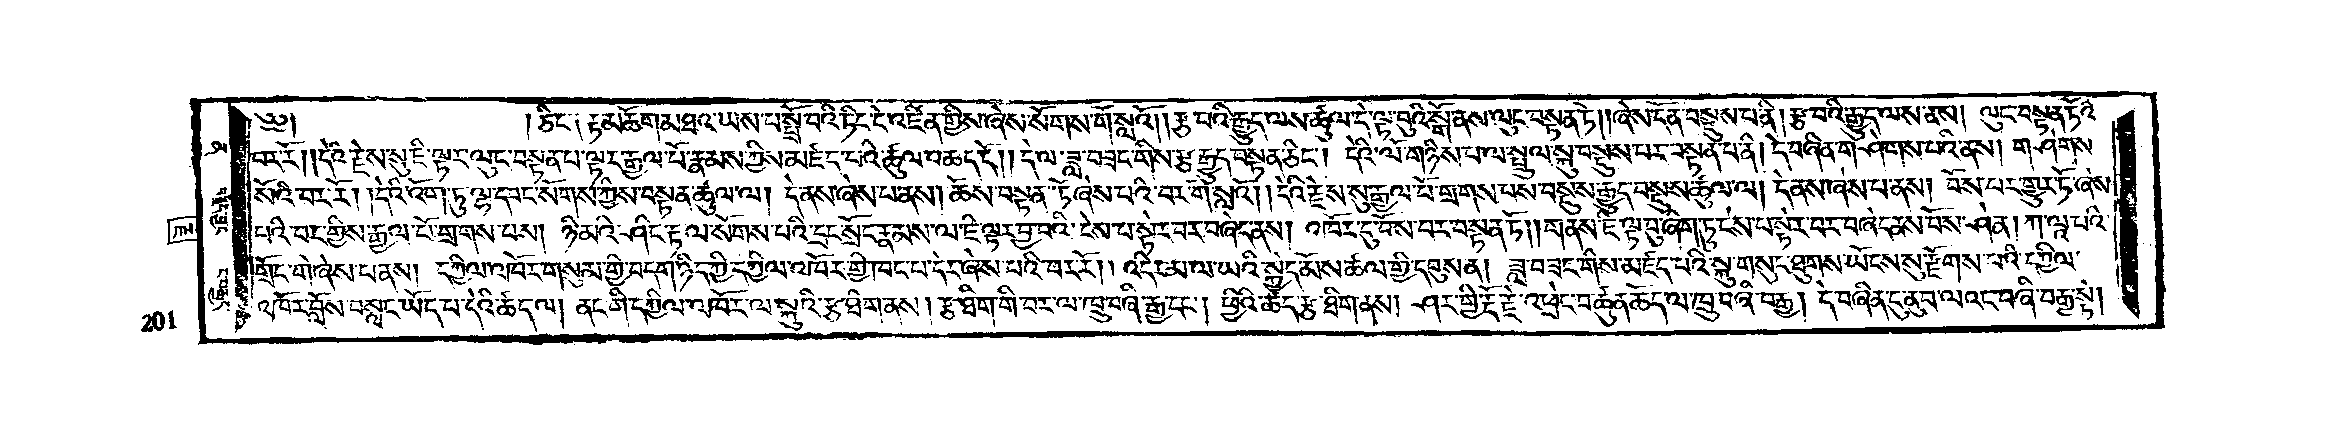༄༅། །ཅིང་། རྟག་མཆོག་མཐའ་ཡས་པ་སྤྲོ་བའི་ཏིང་ངེ་འཛིན་གྱིས་ཞེས་སོགས་གོ་སླའོ། །རྩ་བའི་རྒྱུད་ལས་ཚུལ་དེ་ལྟ་བུའི་སྒོ་ནས་ལུང་བསྟན་ཏོ། །ཞེས་དོན་བསྡུས་པ་ནི། རྩ་བའི་རྒྱུད་ལས་ནས། ལུང་བསྟན་ཏོའི་
བར་རོ། །དེའི་རྗེས་སུ་ཇི་ལྟར་ལུང་བསྟན་པ་ལྟར་རྒྱལ་པོ་རྣམས་ཀྱིས་མཛད་པའི་ཚུལ་འཆད་དོ། །དེ་ལ་ཟླ་བཟང་གིས་རྩ་རྒྱུད་བསྟན་ཅིང་། དེའི་ལོ་གཉིས་པ་ལ་སྤྲུལ་སྐུ་བསྡུས་པར་བསྟན་པ་ནི། དེ་བཞིན་གཤེགས་པའི་ནས། གཤེགས་
སོའི་བར་རོ། །དེའི་འོག་ཏུ་ལྷ་དབང་སོགས་ཀྱིས་བསྟན་ཚུལ་ལ། དེ་ནས་ཞེས་པ་ནས། ཆོས་བསྟན་ཏོ་ཞེས་པའི་བར་གོ་སླའོ། །དེའི་རྗེས་སུ་རྒྱལ་པོ་གྲགས་པས་བསྡུས་རྒྱུད་བསྡུས་ཚུལ་ལ། དེ་ནས་ཞེས་པ་ནས། བོས་པར་གྱུར་ཏོ་ཞེས་
པའི་བར་གྱིས་རྒྱལ་པོ་གྲགས་པས། ཉི་མའི་ཤིང་རྟ་ལ་སོགས་པའི་དྲང་སྲོང་རྣམས་ལ་ཇི་ལྟར་བྱ་བའི་ངེས་པ་སྟེར་བར་བཞེད་ནས། འཁོར་དུ་བོས་པར་བསྟན་ཏོ། །གནས་ཇི་ལྟ་བུ་ཞིག་ཏུ་ངེས་པ་སྟེར་བར་བཞེད་ནས་བོས་ཤེ་ན། ཀ་ལཱ་པའི་
གྲོང་གེ་ཞེས་པ་ནས། དཀྱིལ་འཁོར་གསུམ་གྱི་བདག་ཉིད་ཀྱི་དཀྱིལ་འཁོར་གྱི་ཁང་པ་དེར་ཞེས་པའི་བར་རོ། །འདིར་མ་ལ་ཡའི་སྐྱེད་མོས་ཚལ་གྱི་དབུས་ན། ཟླ་བཟང་གིས་མཛད་པའི་སྐུ་གསུང་ཐུགས་ཡོངས་སུ་རྫོགས་པའི་དཀྱིལ་
འཁོར་བློས་བསླང་ཡོད་པ་དེའི་ཚད་ལ། ནང་གི་དཀྱིལ་འཁོར་ལ་སྐུའི་རྩ་ཐིག་ནས། རྩ་ཐིག་གི་བར་ལ་ཁྲུ་བཞི་རྒྱ་དང་། ཕྱིའི་ཚད་རྩེ་ཐིག་ནས། ཤར་གྱི་རྡོ་རྗེ་འཕྲེང་བ་ཚུན་ཆོད་ལ་ཁྲུ་བཞི་བརྒྱ། དེ་བཞིན་དུ་ནུབ་ལའང་བཞི་བརྒྱ་སྟེ།